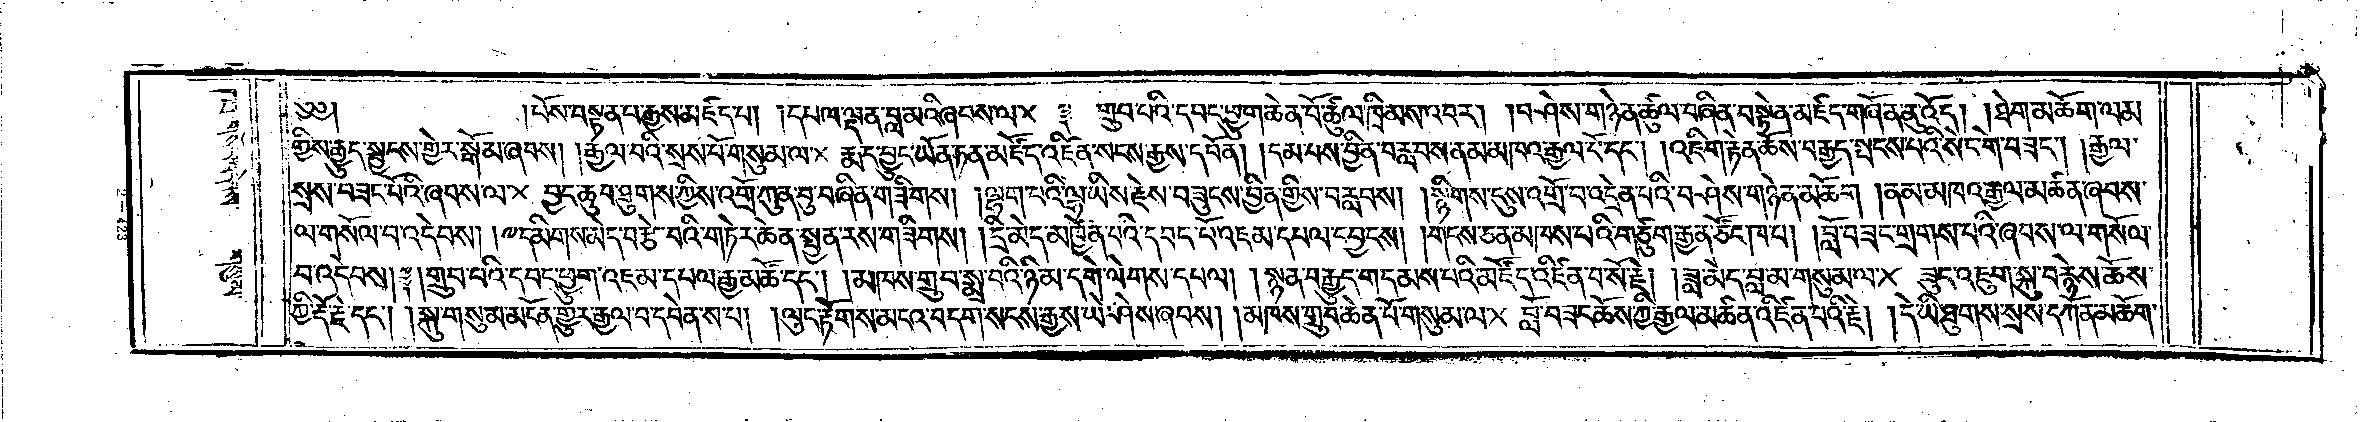༄༅། །པོས་བསྟན་པ་རྒྱས་མཛད་པ། །དཔལ་ལྡན་བླ་མའི་ཞབས་ལ་྾་༈ གྲུབ་པའི་དབང་ཕྱུག་ཆེན་པོ་ཚུལ་ཁྲིམས་འབར། །བཤེས་གཉེན་ཚུལ་བཞིན་བསྟེན་མཛད་གཞོན་ནུ་འོད། །ཐེག་མཆོག་ལམ་
གྱིས་རྒྱུད་སྦྱངས་གྱེར་སྒོམ་ཞབས། །རྒྱལ་བའི་སྲས་པོ་གསུམ་ལ་྾་རྨད་བྱུང་ཡོན་ཏན་མཛོད་འཛིན་སངས་རྒྱས་དཔོན། །དམ་པས་བྱིན་བརླབས་ནམ་མཁའ་རྒྱལ་པོ་དང་། །འཇིག་རྟེན་ཆོས་བརྒྱད་སྤངས་པའི་སེང་གེ་བཟང་། །རྒྱལ་
སྲས་བཟང་པོའི་ཞབས་ལ་྾་བྱང་ཆུབ་ཐུགས་ཀྱིས་འགྲོ་ཀུན་བུ་བཞིན་གཟིགས། །ལྷག་པའི་ལྷ་ཡིས་རྗེས་བཟུངས་བྱིན་གྱིས་བརླབས། །སྙིགས་དུས་འགྲོ་བ་འདྲེན་པའི་བཤེས་གཉེན་མཆོག །ནམ་མཁའ་རྒྱལ་མཚན་ཞབས་
ལ་གསོལ་བ་འདེབས། །༧དམིགས་མེད་བརྩེ་བའི་གཏེར་ཆེན་སྤྱན་རས་གཟིགས། །དྲི་མེད་མཁྱོན་པའི་དབང་པོ་འཇམ་དཔལ་དབྱངས། །གངས་ཅན་མཁས་པའི་གཙུག་རྒྱན་ཙོང་ཁ་པ། །བློ་བཟང་གྲགས་པའི་ཞབས་ལ་གསོལ་
བ་འདེབས། ༈ །གྲུབ་པའི་དབང་ཕྱུག་འཇམ་དཔལ་རྒྱ་མཚོ་དང་། །མཁས་གྲུབ་སྨྲ་བའི་ཉི་མ་དགེ་ལེགས་དཔལ། །སྙན་བརྒྱུད་གདམས་པའི་མཛོད་འཛིན་བ་སོ་རྗེ། །ཟླ་མེད་བླ་མ་གསུམ་ལ་྾་ཟུང་འཇུག་སྐུ་བརྙེས་ཆོས་
ཀྱི་རྡོ་རྗེ་དང་། །སྐུ་གསུམ་མངོན་གྱུར་རྒྱལ་བ་དབེན་ས་པ། །ལུང་རྟོགས་མངའ་བདག་སངས་རྒྱས་ཡེ་ཤེས་ཞབས། །མཁས་གྲུབ་ཆེན་པོ་གསུམ་ལ་྾་བློ་བཟང་ཆོས་ཀྱི་རྒྱལ་མཚན་འཛིན་པའི་རྗེ། །དེ་ཡི་ཐུགས་སྲས་དཀོན་མཆོག་